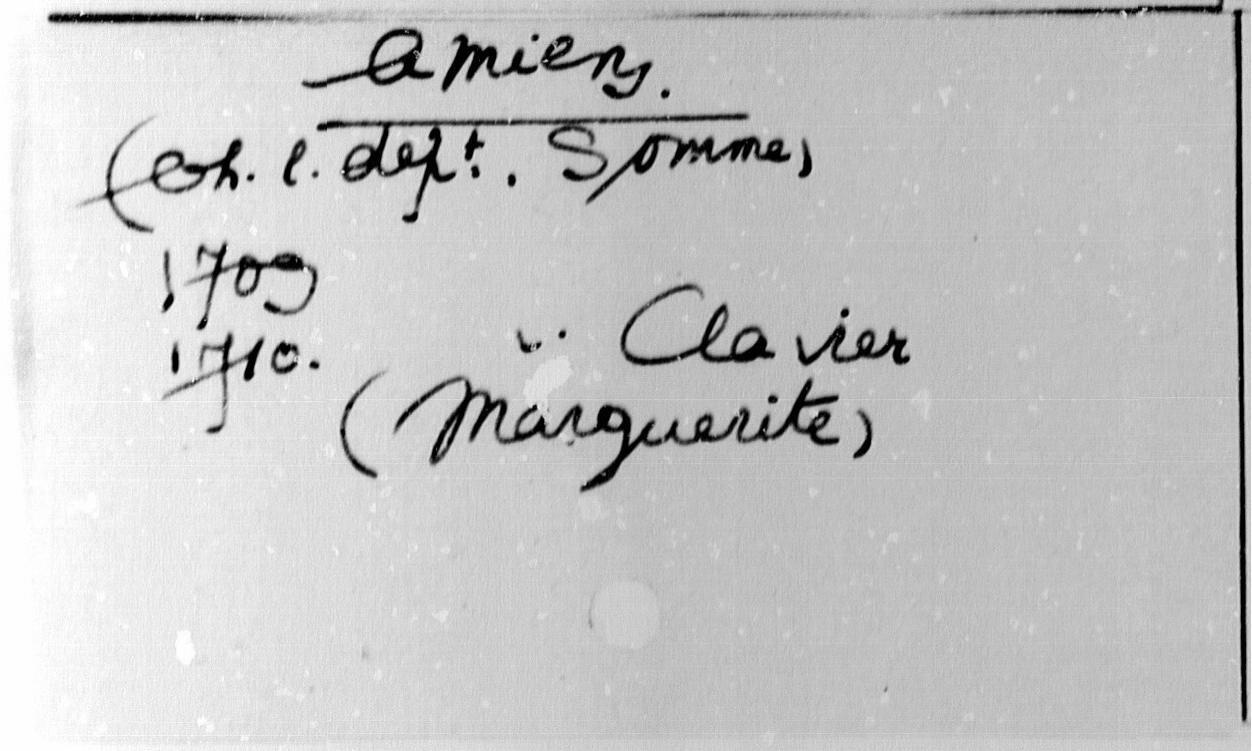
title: AMIENS (chef-lieu de département, département de la Somme)
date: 1709-1710
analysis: Voir CLAVIER (Marguerite)
